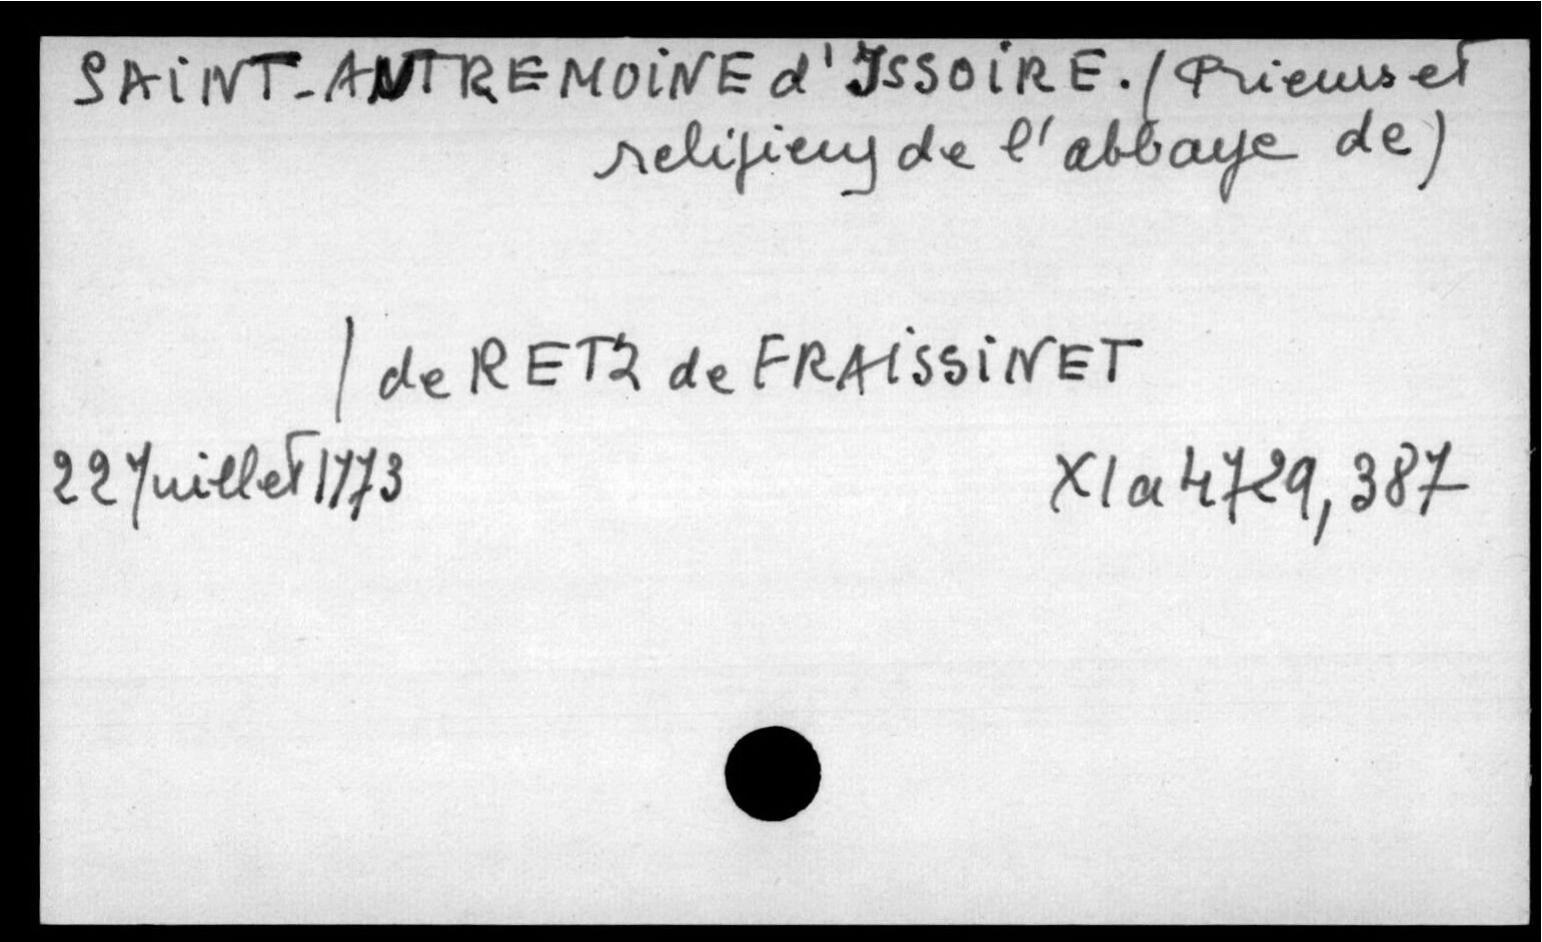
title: SAINT-ANTREMOINE d'ISSOIRE (Prieurs et religieux de l'abbaye de)
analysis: Contre de RETZ de FRAISSINET
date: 22 juillet 1773
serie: X1a
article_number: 4729
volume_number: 387
